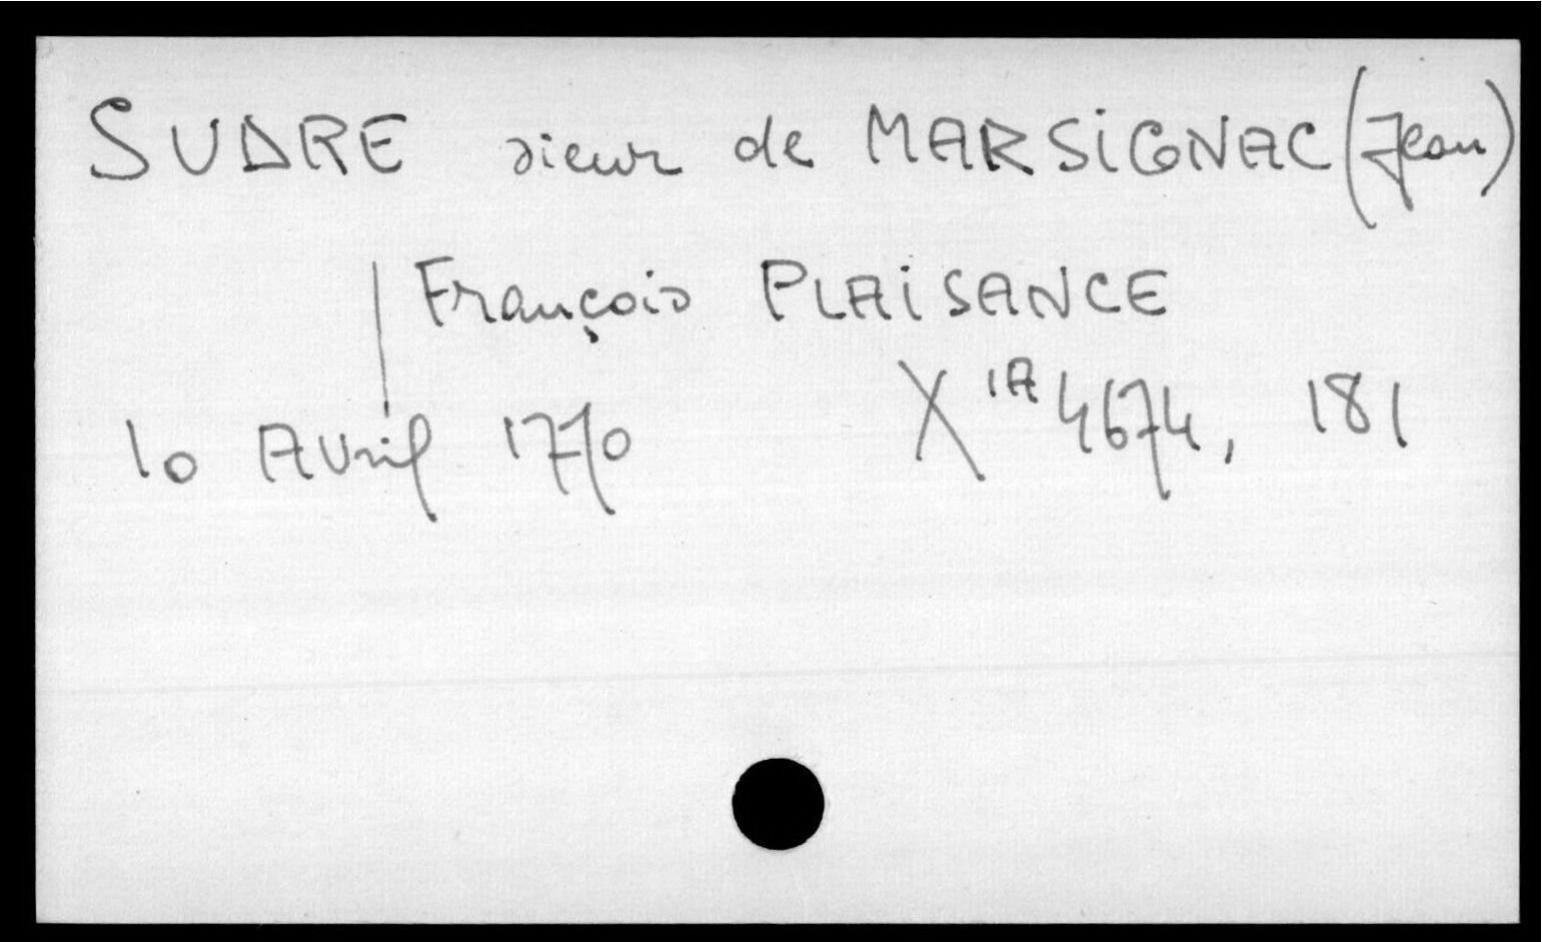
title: SUDRE sieur de MARSIGNAC (Jean)
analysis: Contre François PLAISANCE
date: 10 avril 1770
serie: X1A
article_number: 4674
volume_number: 181
